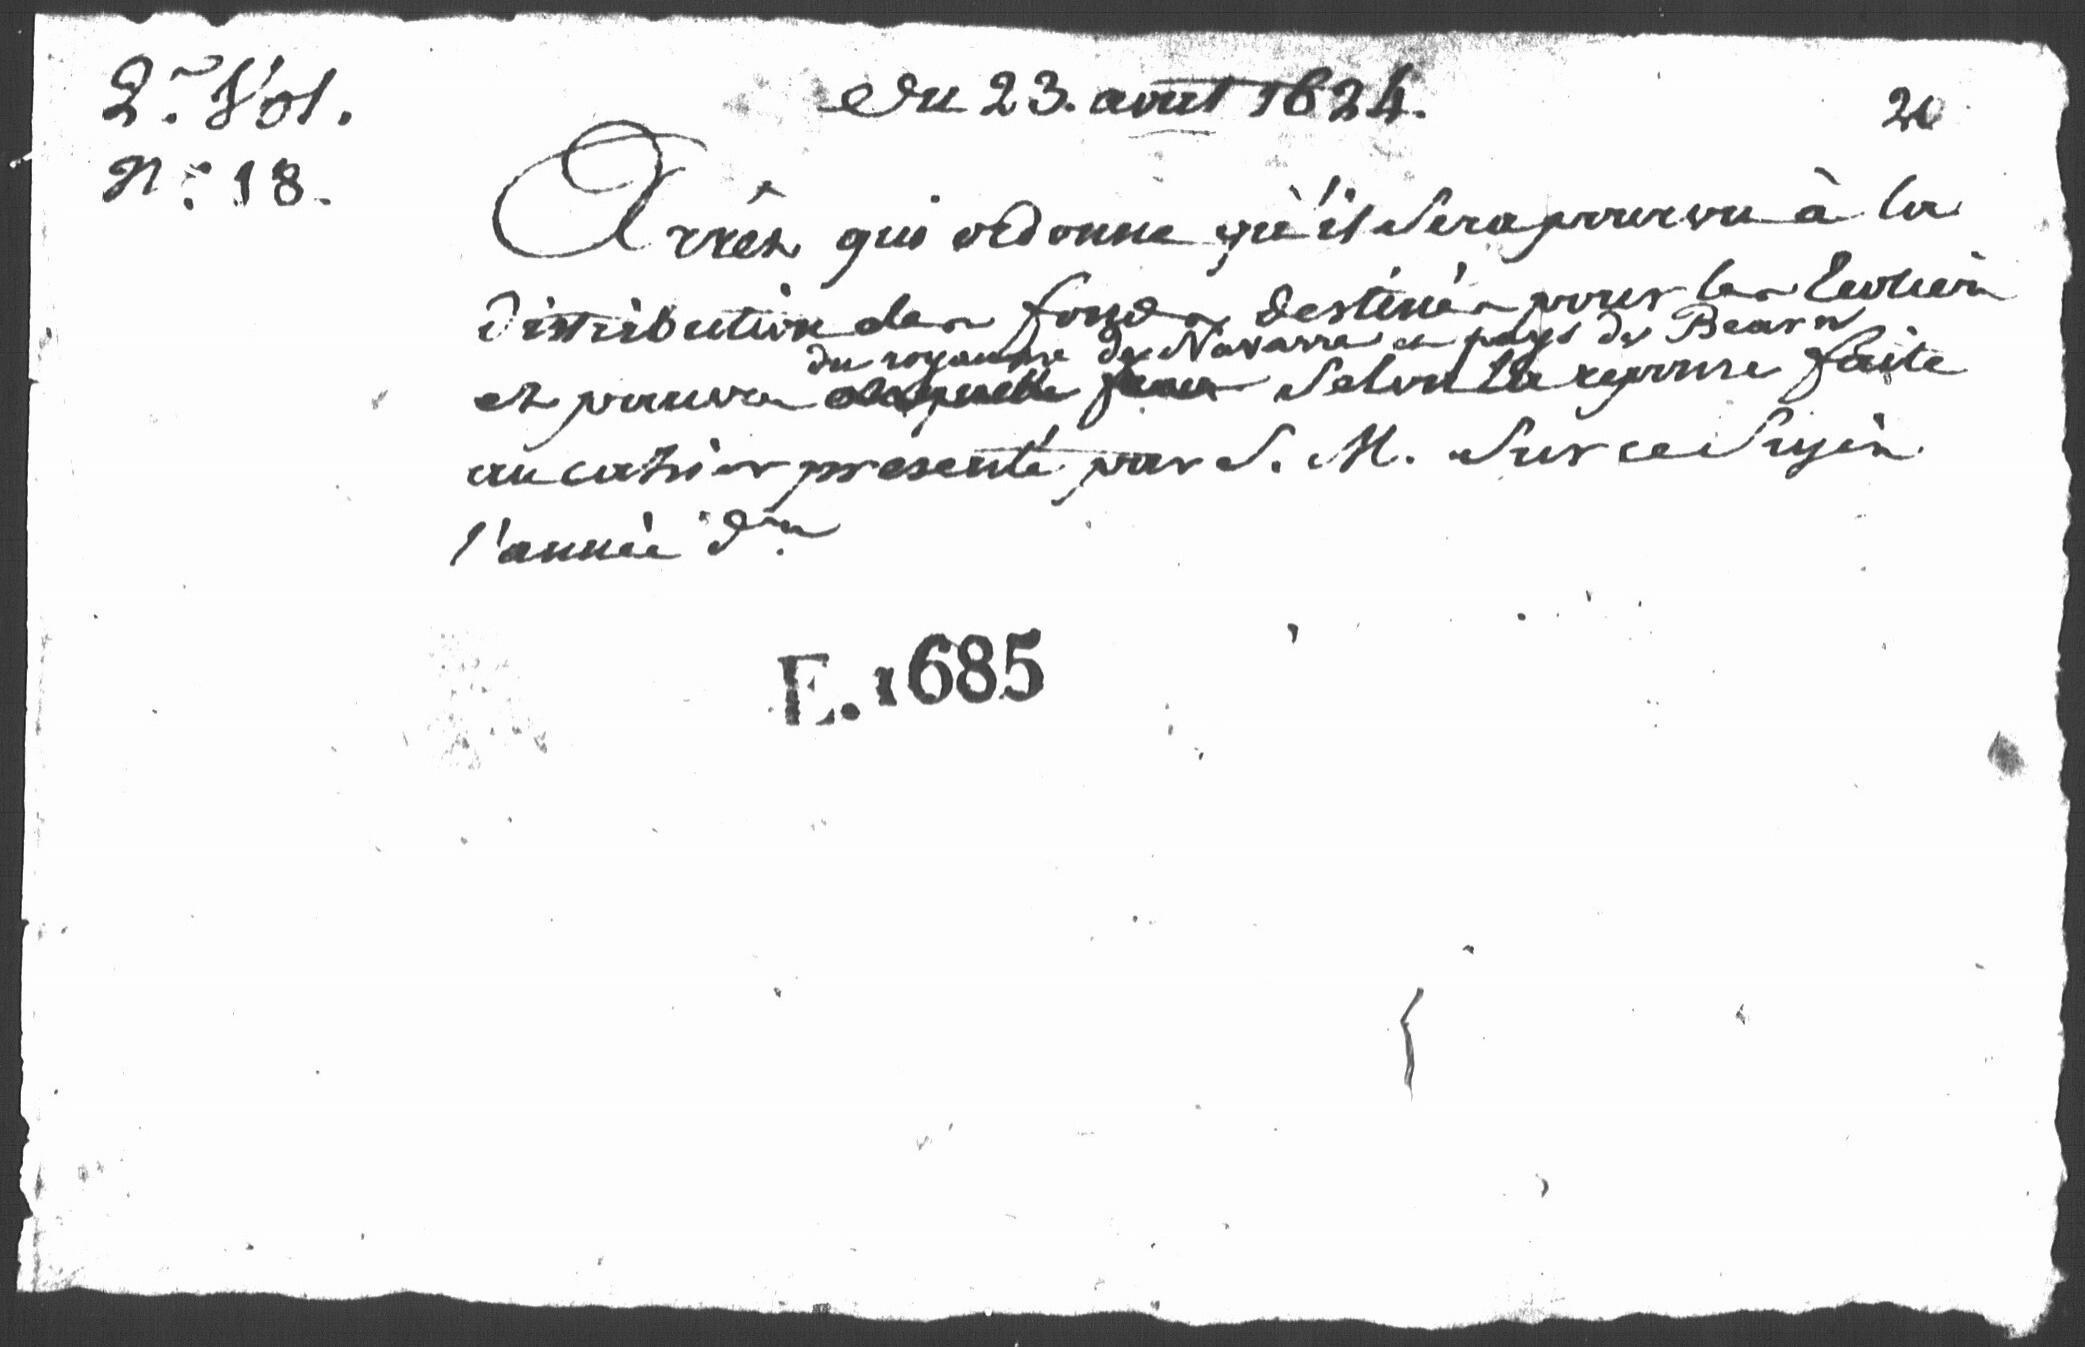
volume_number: n°18
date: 23 août 1624
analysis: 20
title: Arrêt qui ordonne qu'il sera pourvu à la distribution des fonds destinés pour les Ecoliers et pauvres du royaume de Navarre et pays de Bearn [mots barrés ?] selon la reponse faite au cahier presenté par S. M. sur ce sujet l'année dre.
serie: E
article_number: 1685
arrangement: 2e vol.
